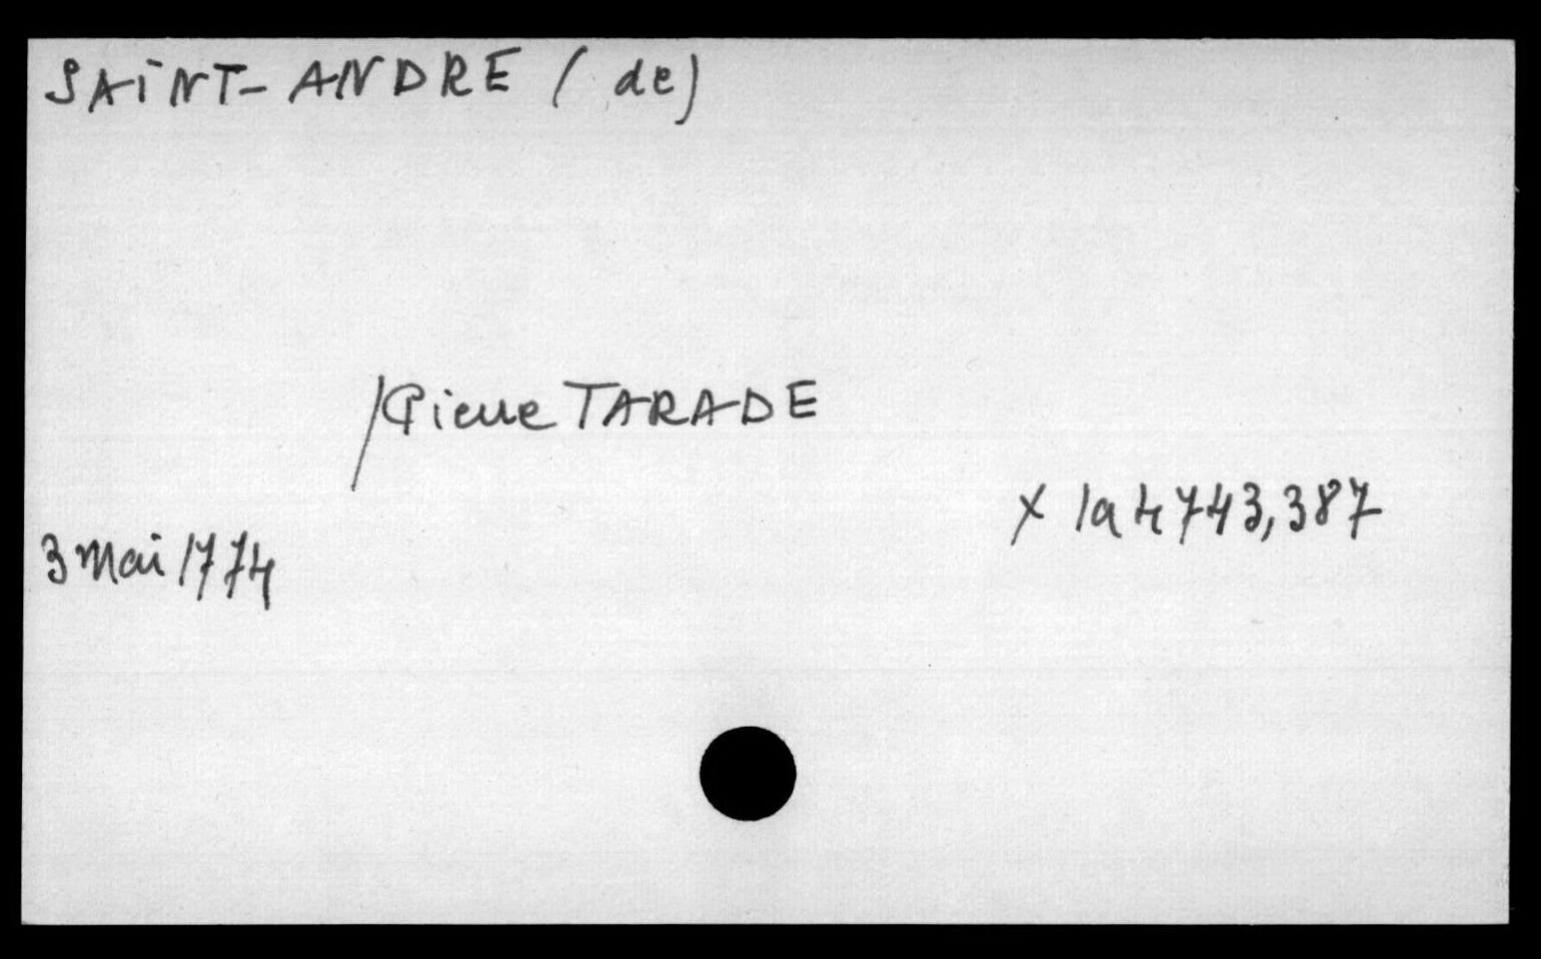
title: SAINT-ANDRE (de)
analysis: Contre Pierre TARADE
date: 3 mai 1774
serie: X1a
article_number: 4743
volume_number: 387
